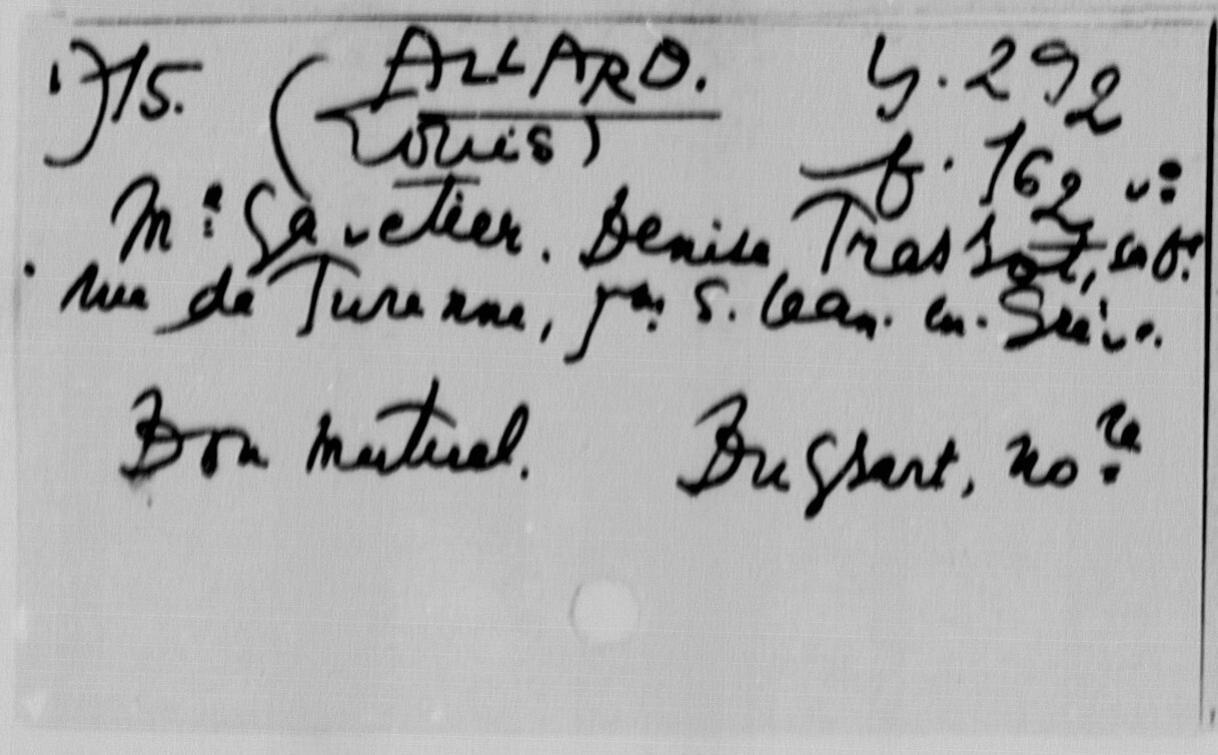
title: ALLARD (Louis)
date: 1715
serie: Y
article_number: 292
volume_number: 162v
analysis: Marchand savetier. Denise TRASSOT, sa femme, rue de Turenne, paroisse Saint-Jean-en-Grève. Don mutuel. Dussart, notaire.
